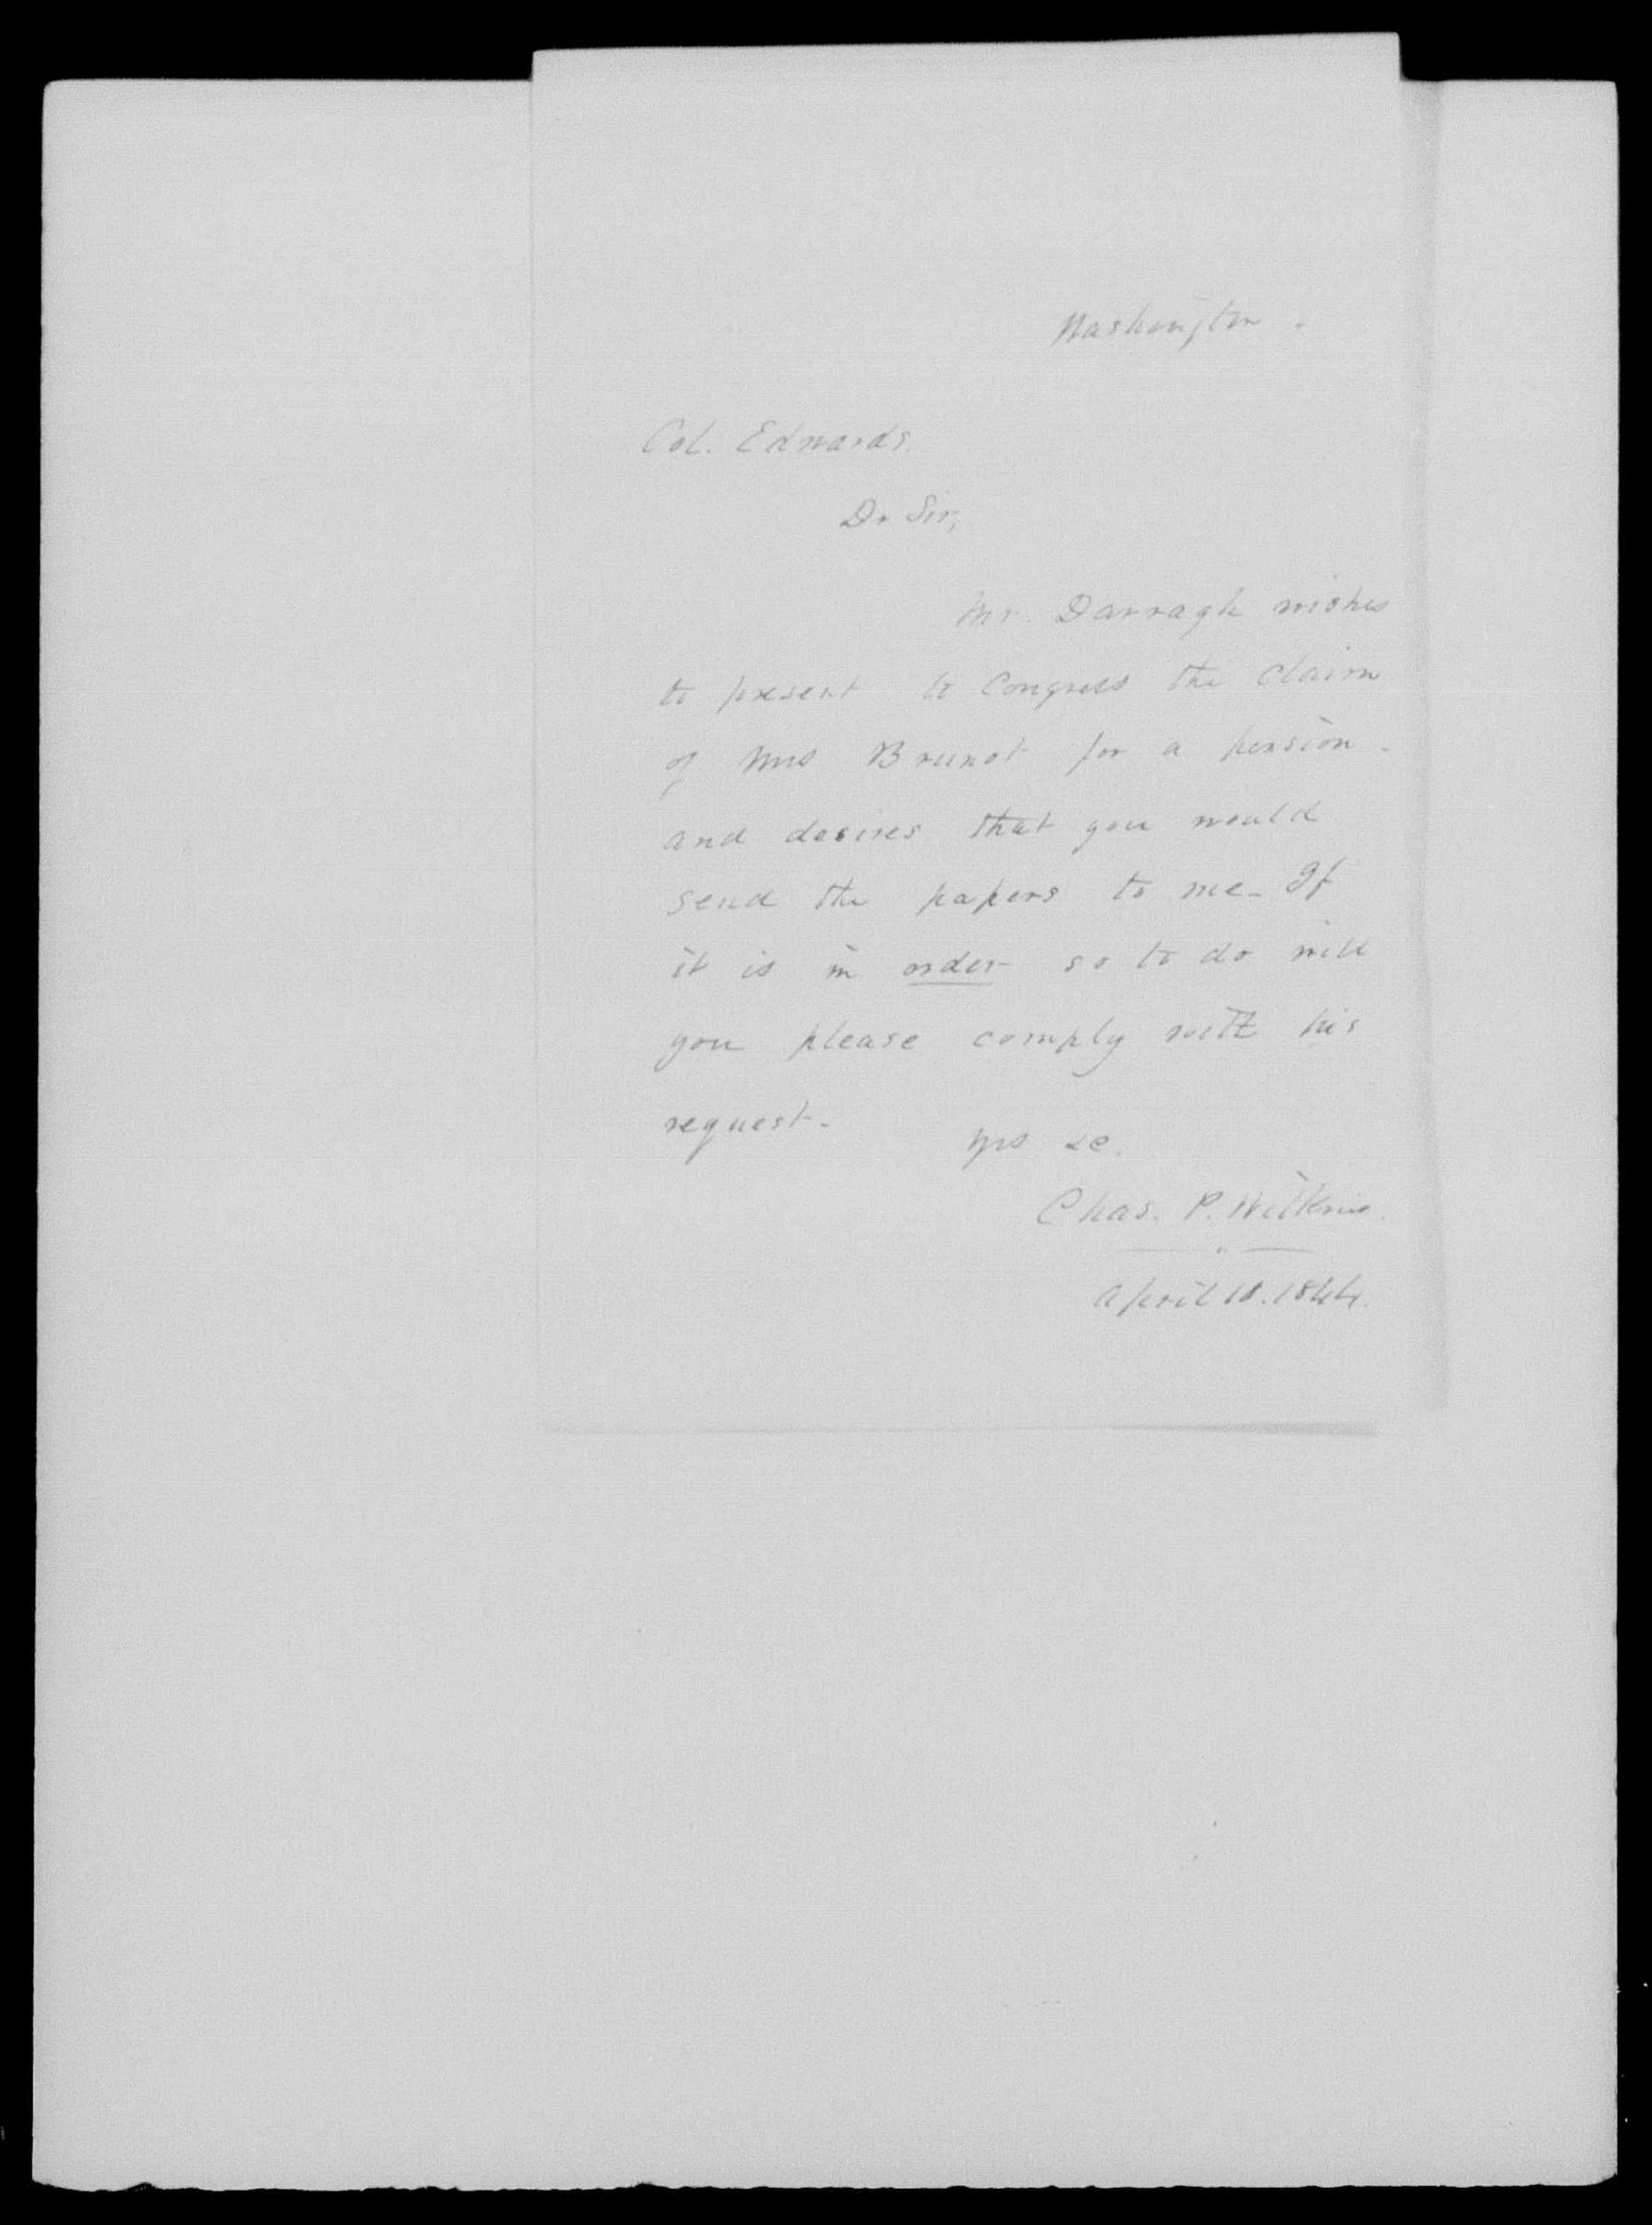Washington
Col. Edwards
Dr Sir,
Mr. Darragh wishes to present to Congress the claim of Mrs. Brunot for a pension and desires that you would send the papers to me.  If it is in order so to do will you please comply with his request.
[illegible]
Chas. P. Wilkins
April 10, 1844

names: Edwards, Chas P Wilkins, Darragh, Brunot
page: 23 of 34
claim: rejected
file: R. 1371, Felix Brunot, Penn.